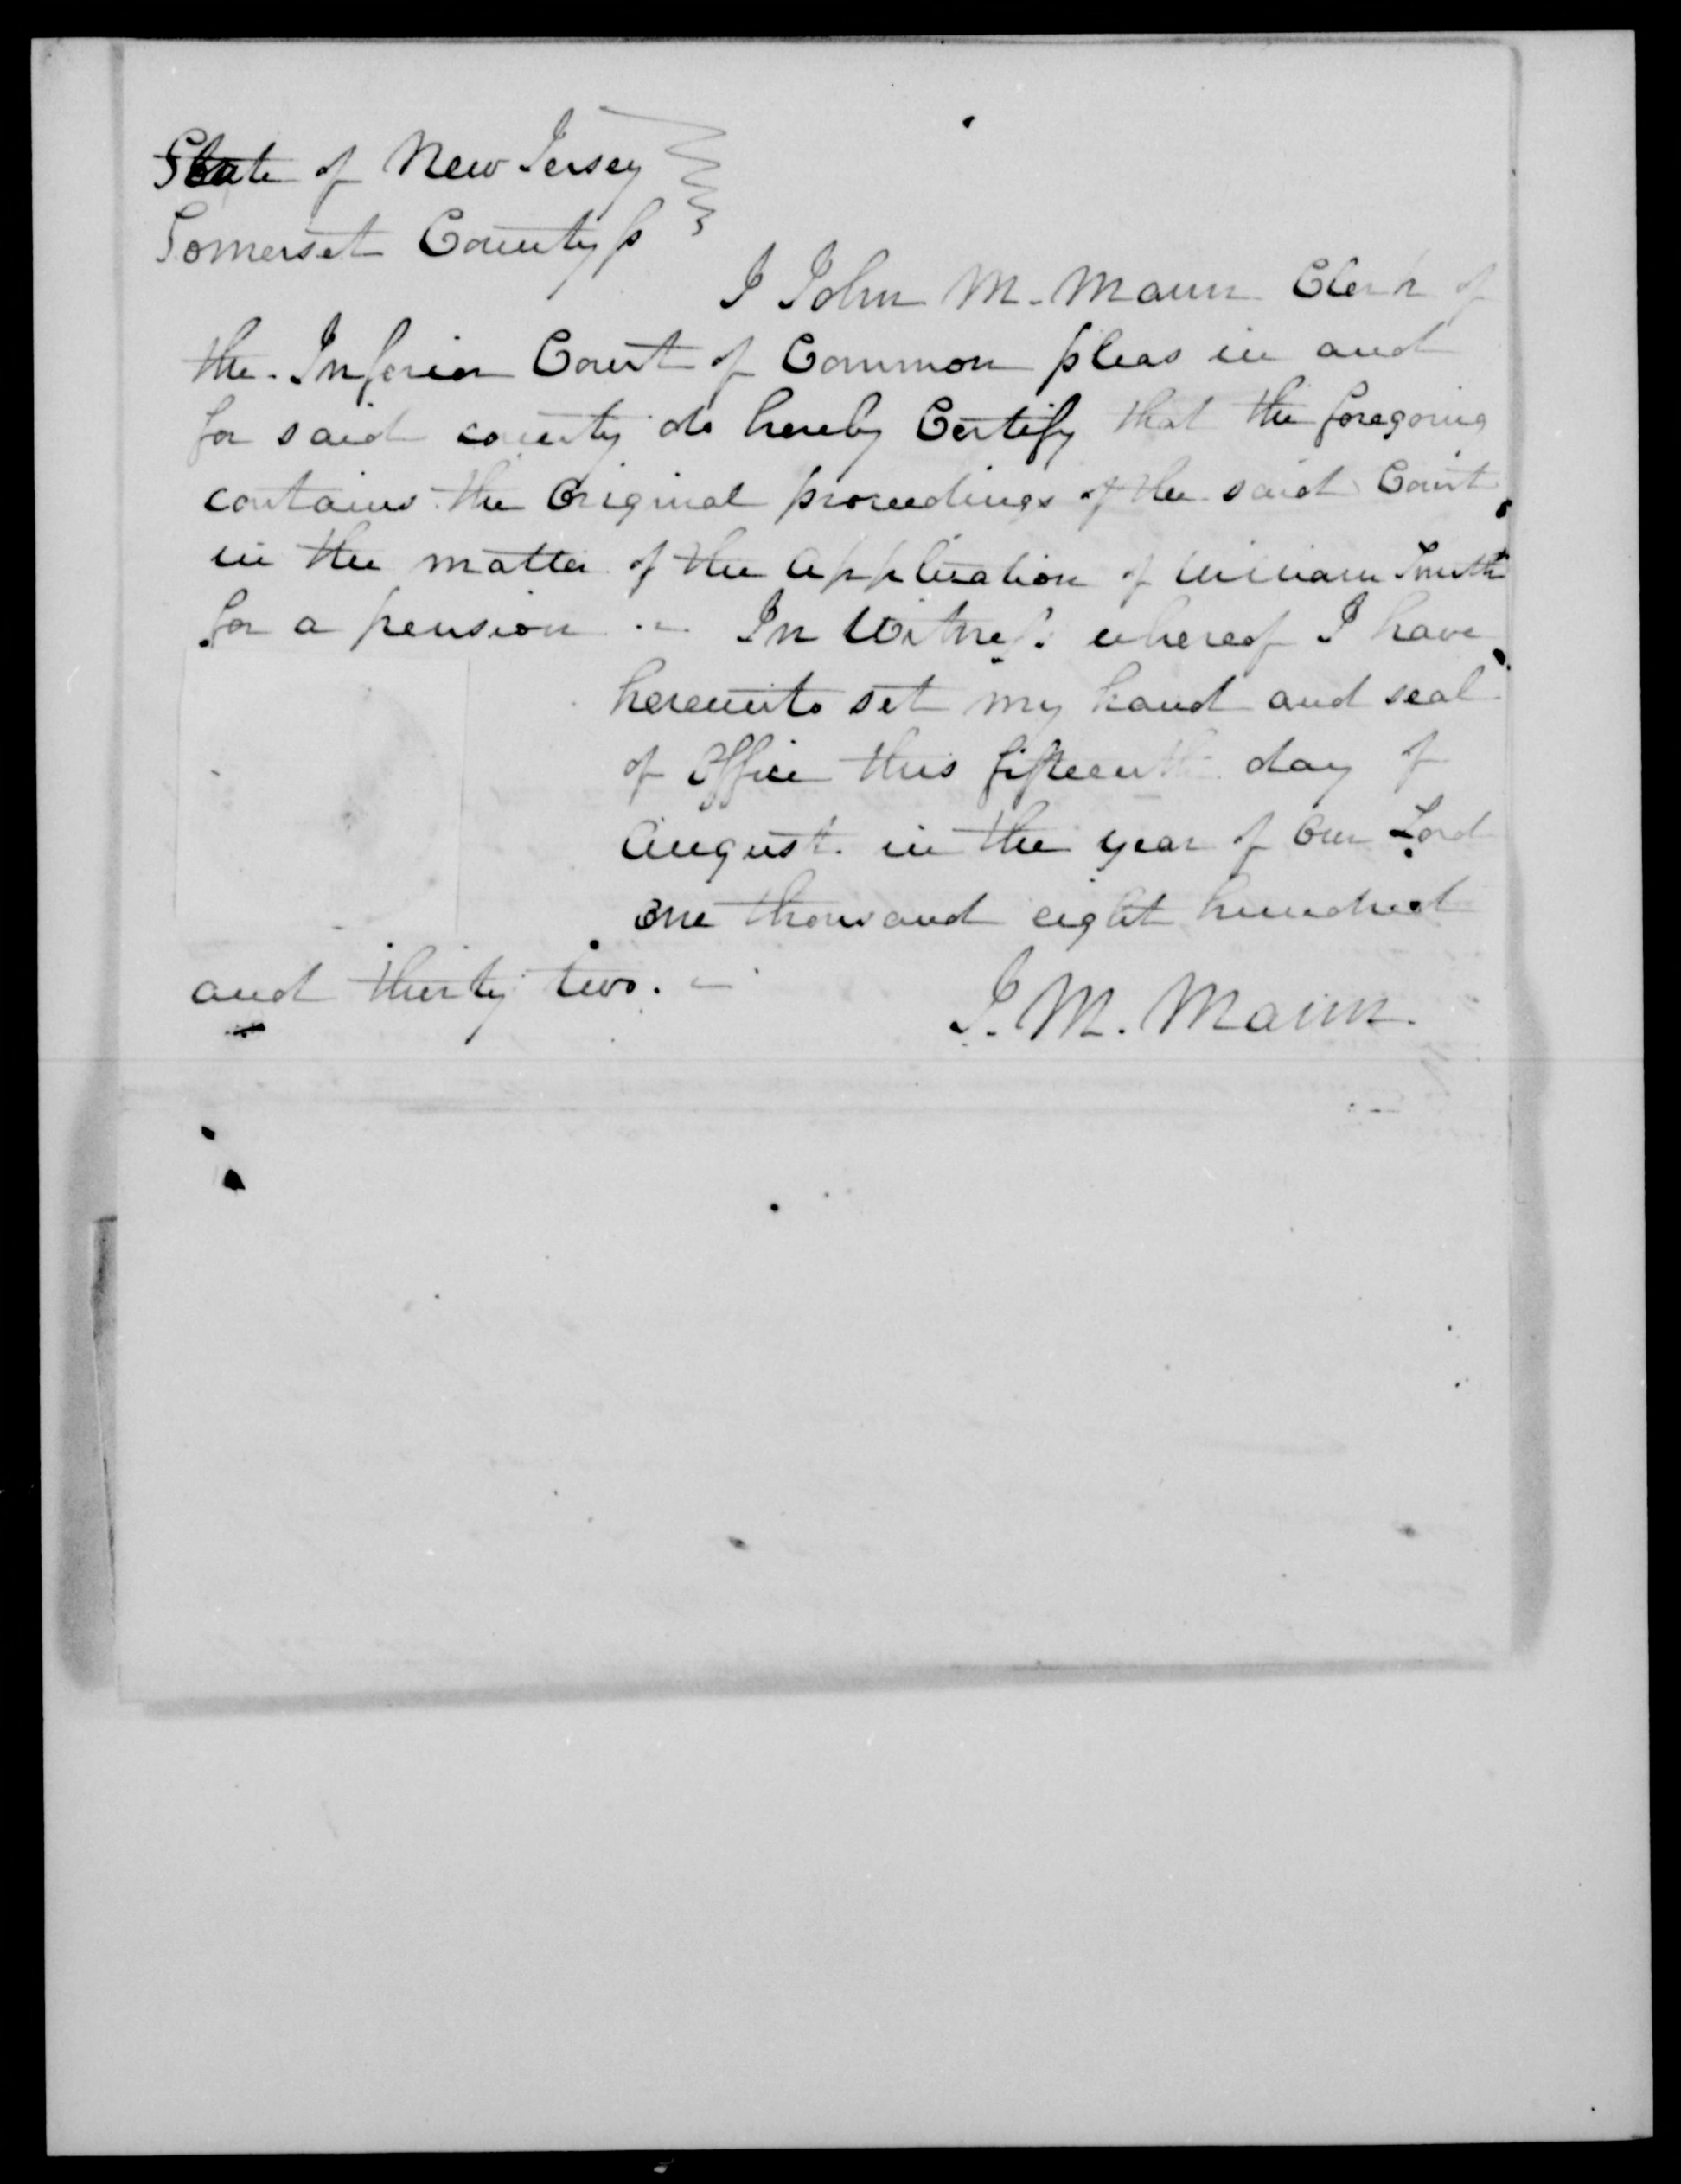State of New Jersey
Somerset County ss }
I John M. Mann Clerk of the Inferior Court of Common pleas in and for said county do hereby certify that the foregoing contains the Original proceedings of the said Court in the matter of the application of William Smith for a pension.

In Witness whereof I have hereunto set my hand and seal of Office this fifteenth day of August in the year of our Lord one thousand eight hundred and thirty two.-

J.M. Mann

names: John M Mann; J M Mann; William Smith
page: 11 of 27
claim: survivor's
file: S. 915, for William Smith, New Jersey